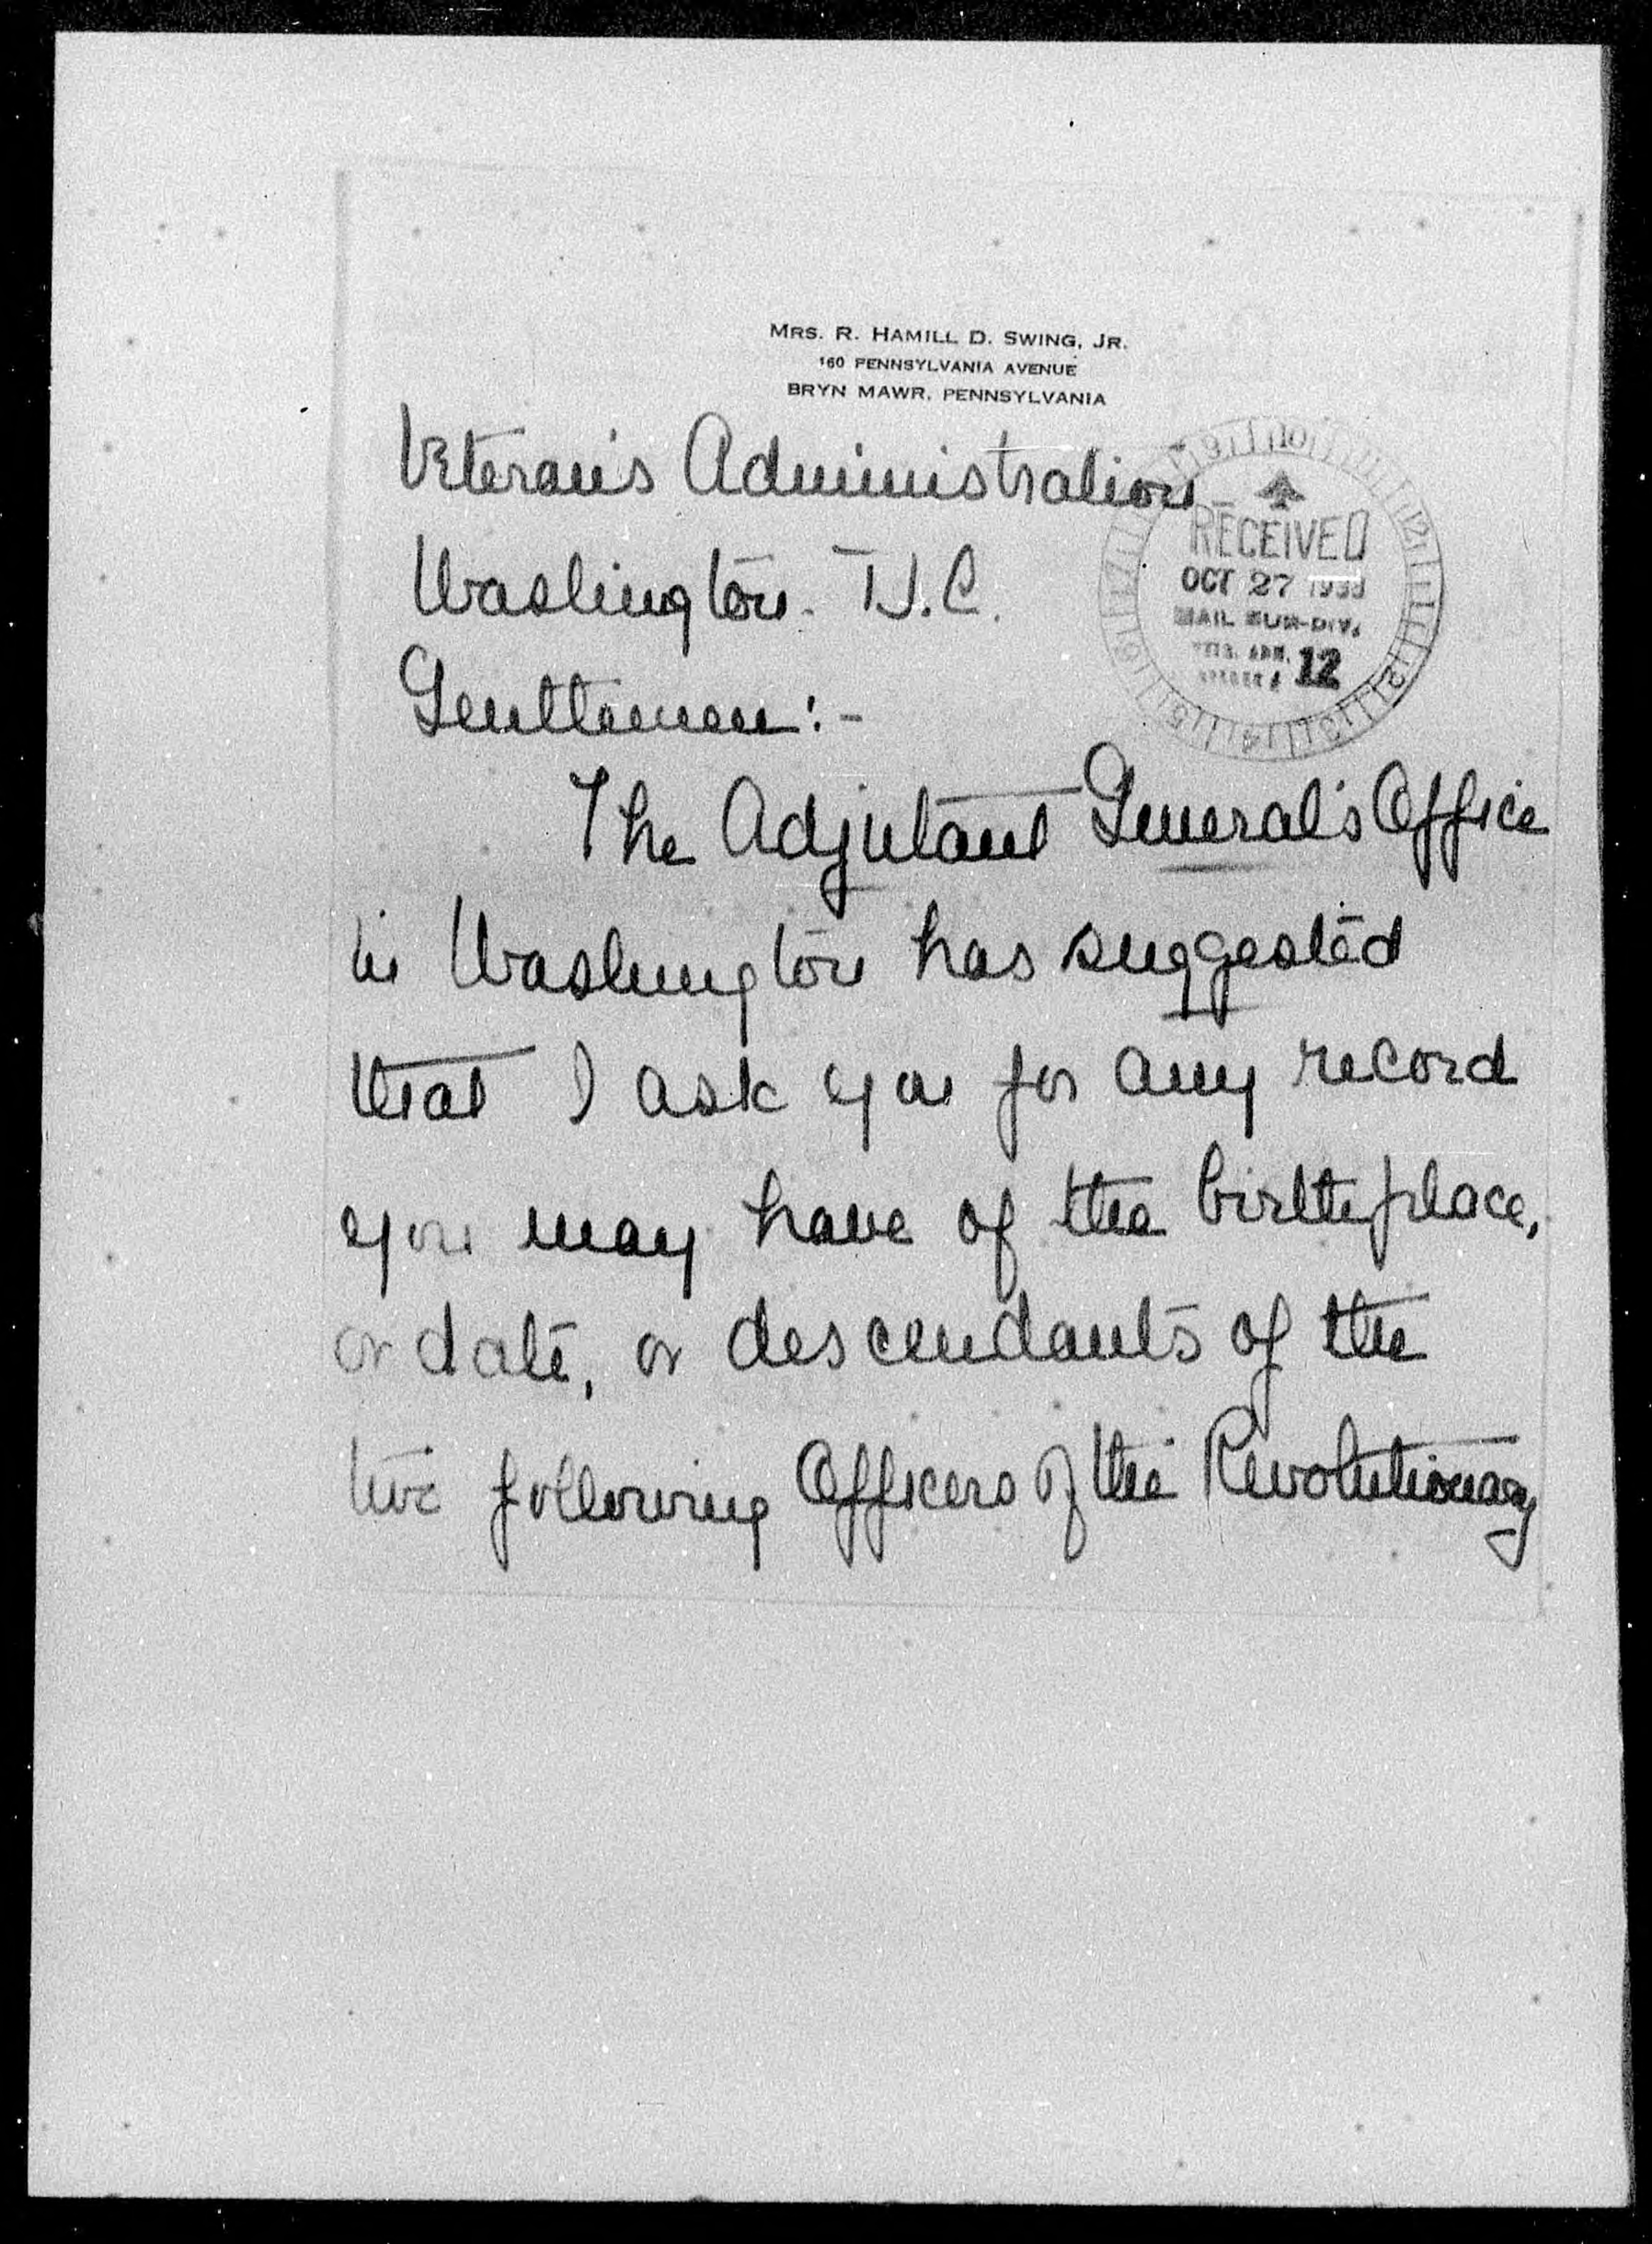MRS. R. HAMILL D. SWING, JR.
160 PENNSYLVANIA AVENUE
BRYN MAWR, PENNSYLVANIA

[Righthand corner - Stamp that reads:  RECEIVED,  OCTOBER 27 1938, MAIL SUB-DIV
VETS. ADM
NUMBER 12

Veteran's Administration
Washington, D. C.

Gentlemen:--
The Adjutant General's Office in Washington has suggested that I ask you for any record you may have of the birthplace, or date, or descendants of the following Officers of the Revolutionary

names: R Hamill D Swing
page: 6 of 7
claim: bounty land warrant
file: B. L. Wt. 845-200, Samuel Gray, Penn